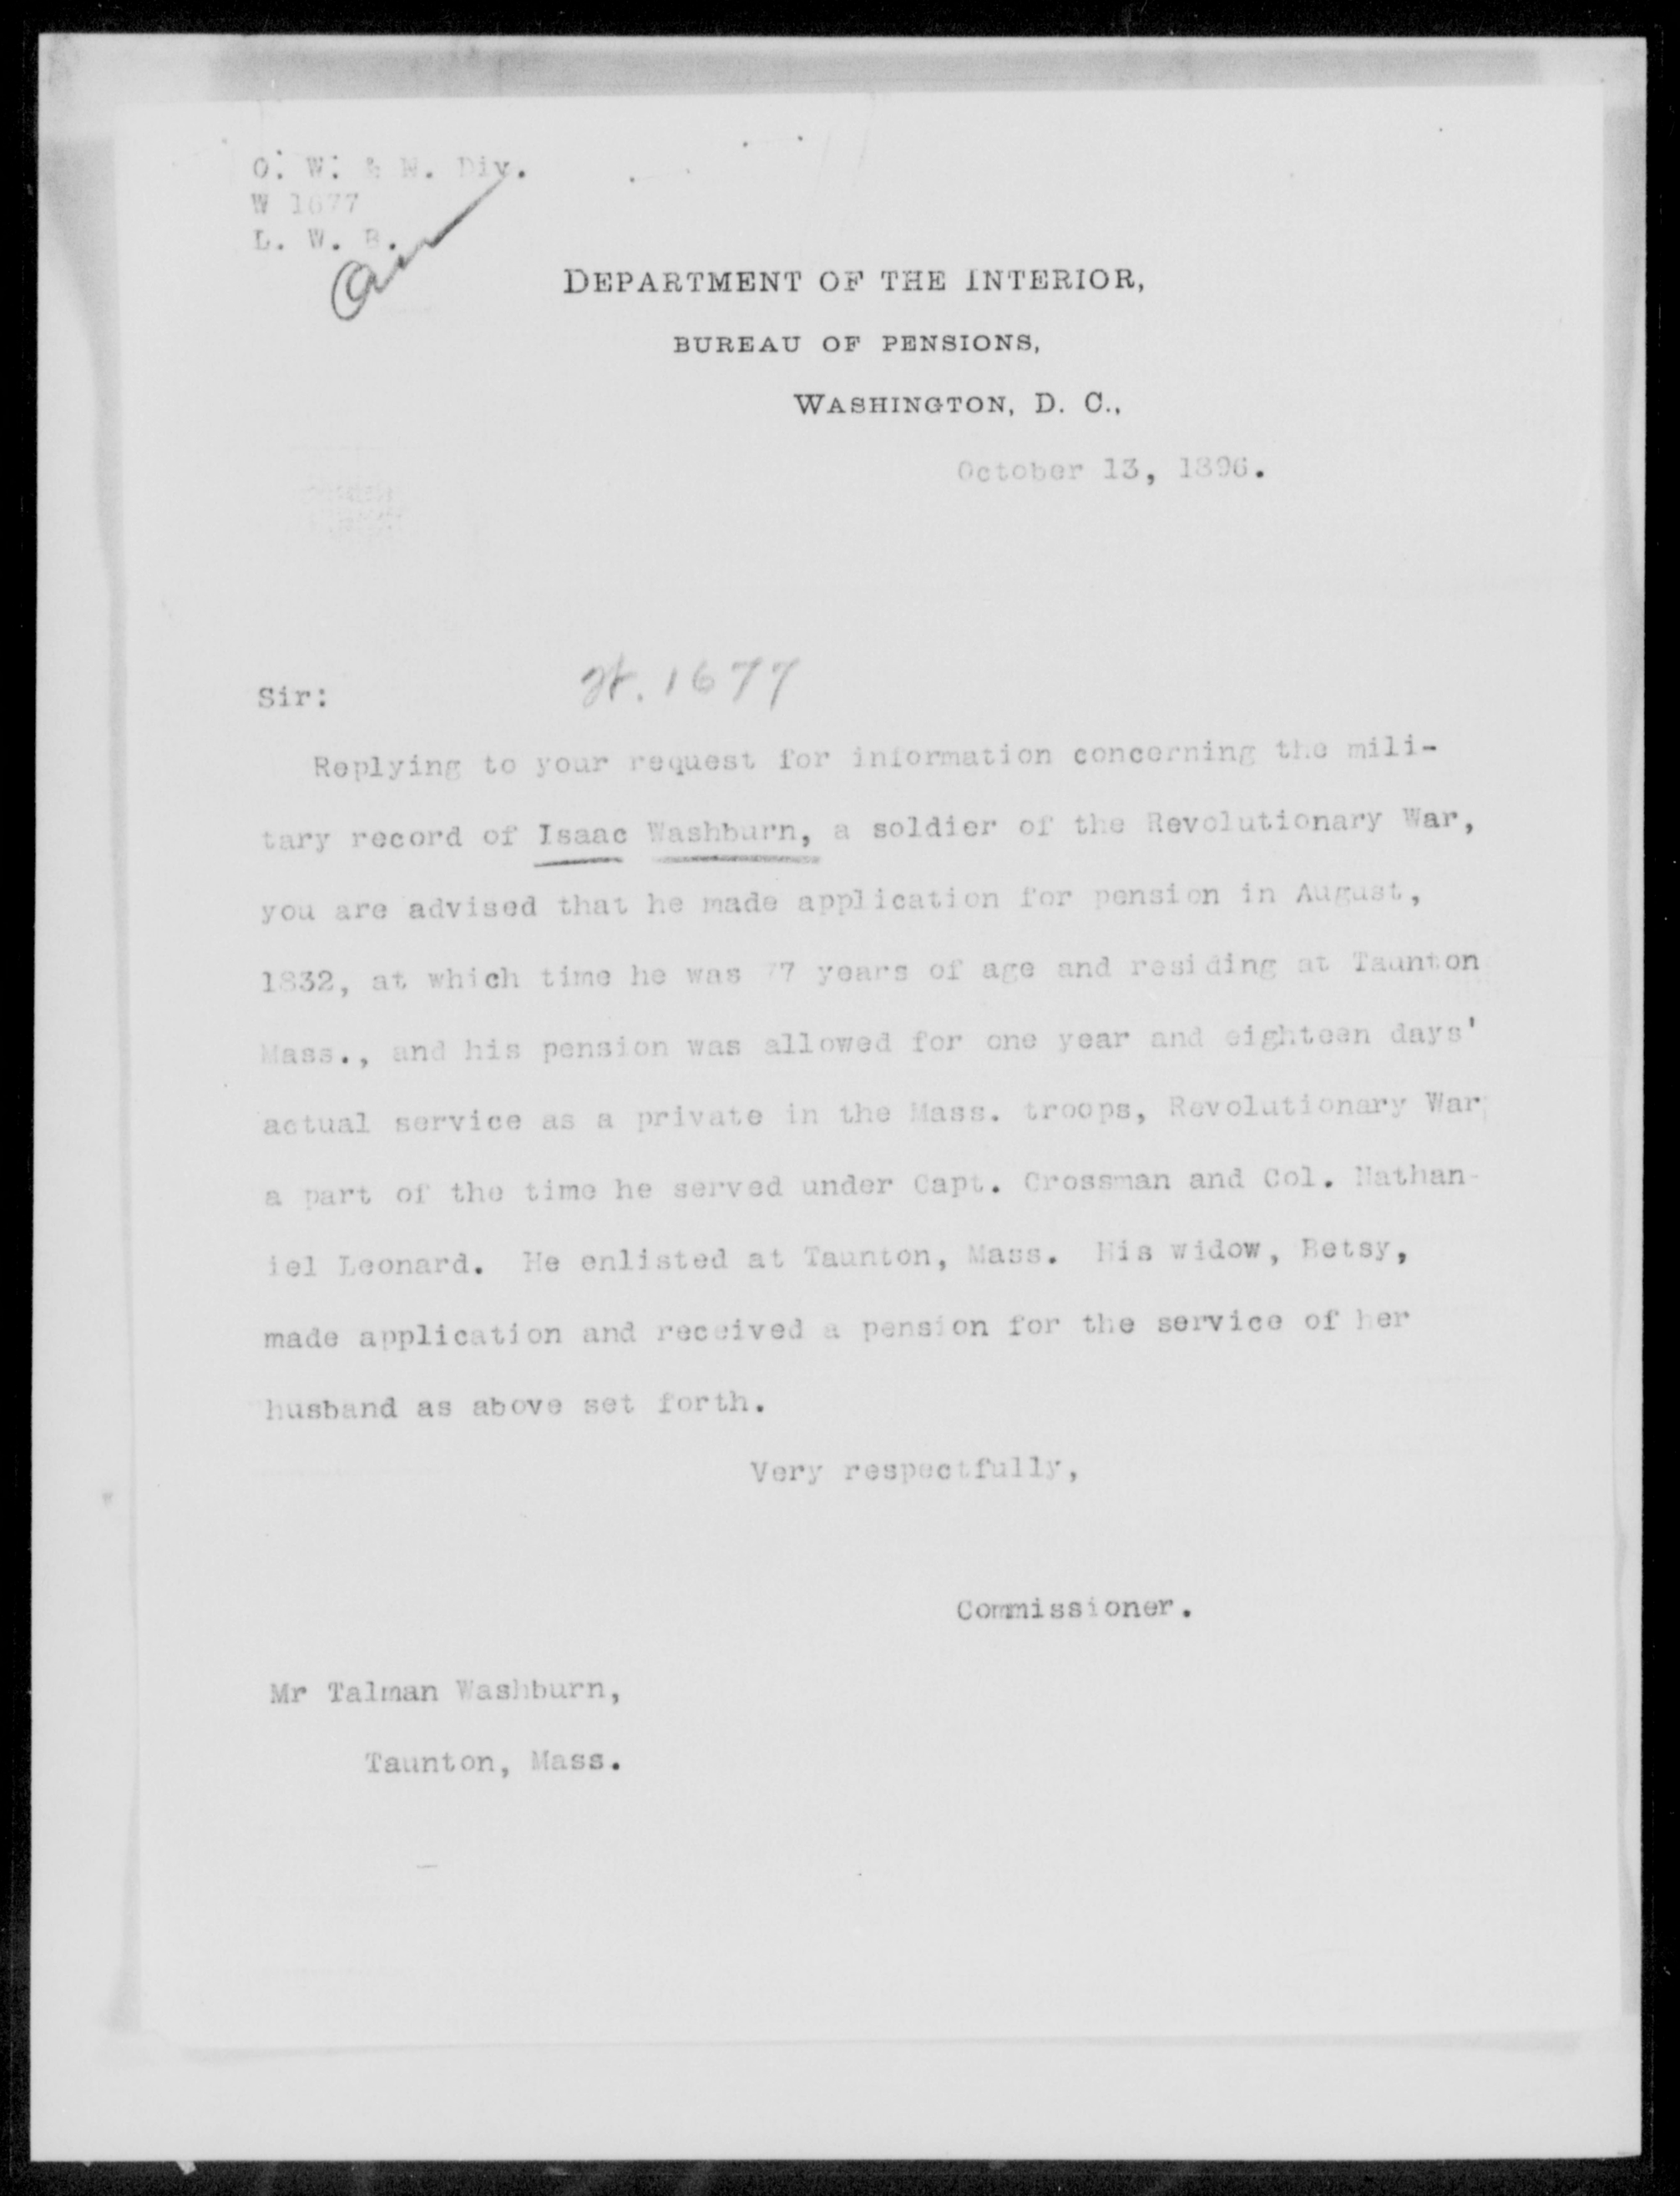0: W: & W. Div.
W 1677
L. W. B.

DEPARTMENT OF THE INTERIOR,
   BUREAU OF PENSIONS,
      WASHINGTON, D. C.

October 13, 1896.

Sir:        W. 1677

  Replying to your request for information concerning the military record of Isaac Washburn, a soldier of the Revolutionary War, you are advised that he made application for pension in August, 1832, at which time he was 77 years of age and residing at Taunton Mass., and his pension was allowed for one year and eighteen days’ actual service as a private in the Mass. troops, Revolutionary War a part of the time he served under Capt. Crossman and Col. Nathaniel Leonard. He enlisted at Taunton Mass.
His widow, Betsey, made application and received a pension for the service of her husband as above set forth.

Very respectfully,

Commissioner.

Mr Tasman Washburn,
  Taunton, Mass.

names: Nathaniel Leonard, Crossman, Talman Washburn, Isaac Washburn, Betsy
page: 19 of 34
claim: widow's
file: W. 1677, Isaac Washburn, Mass.